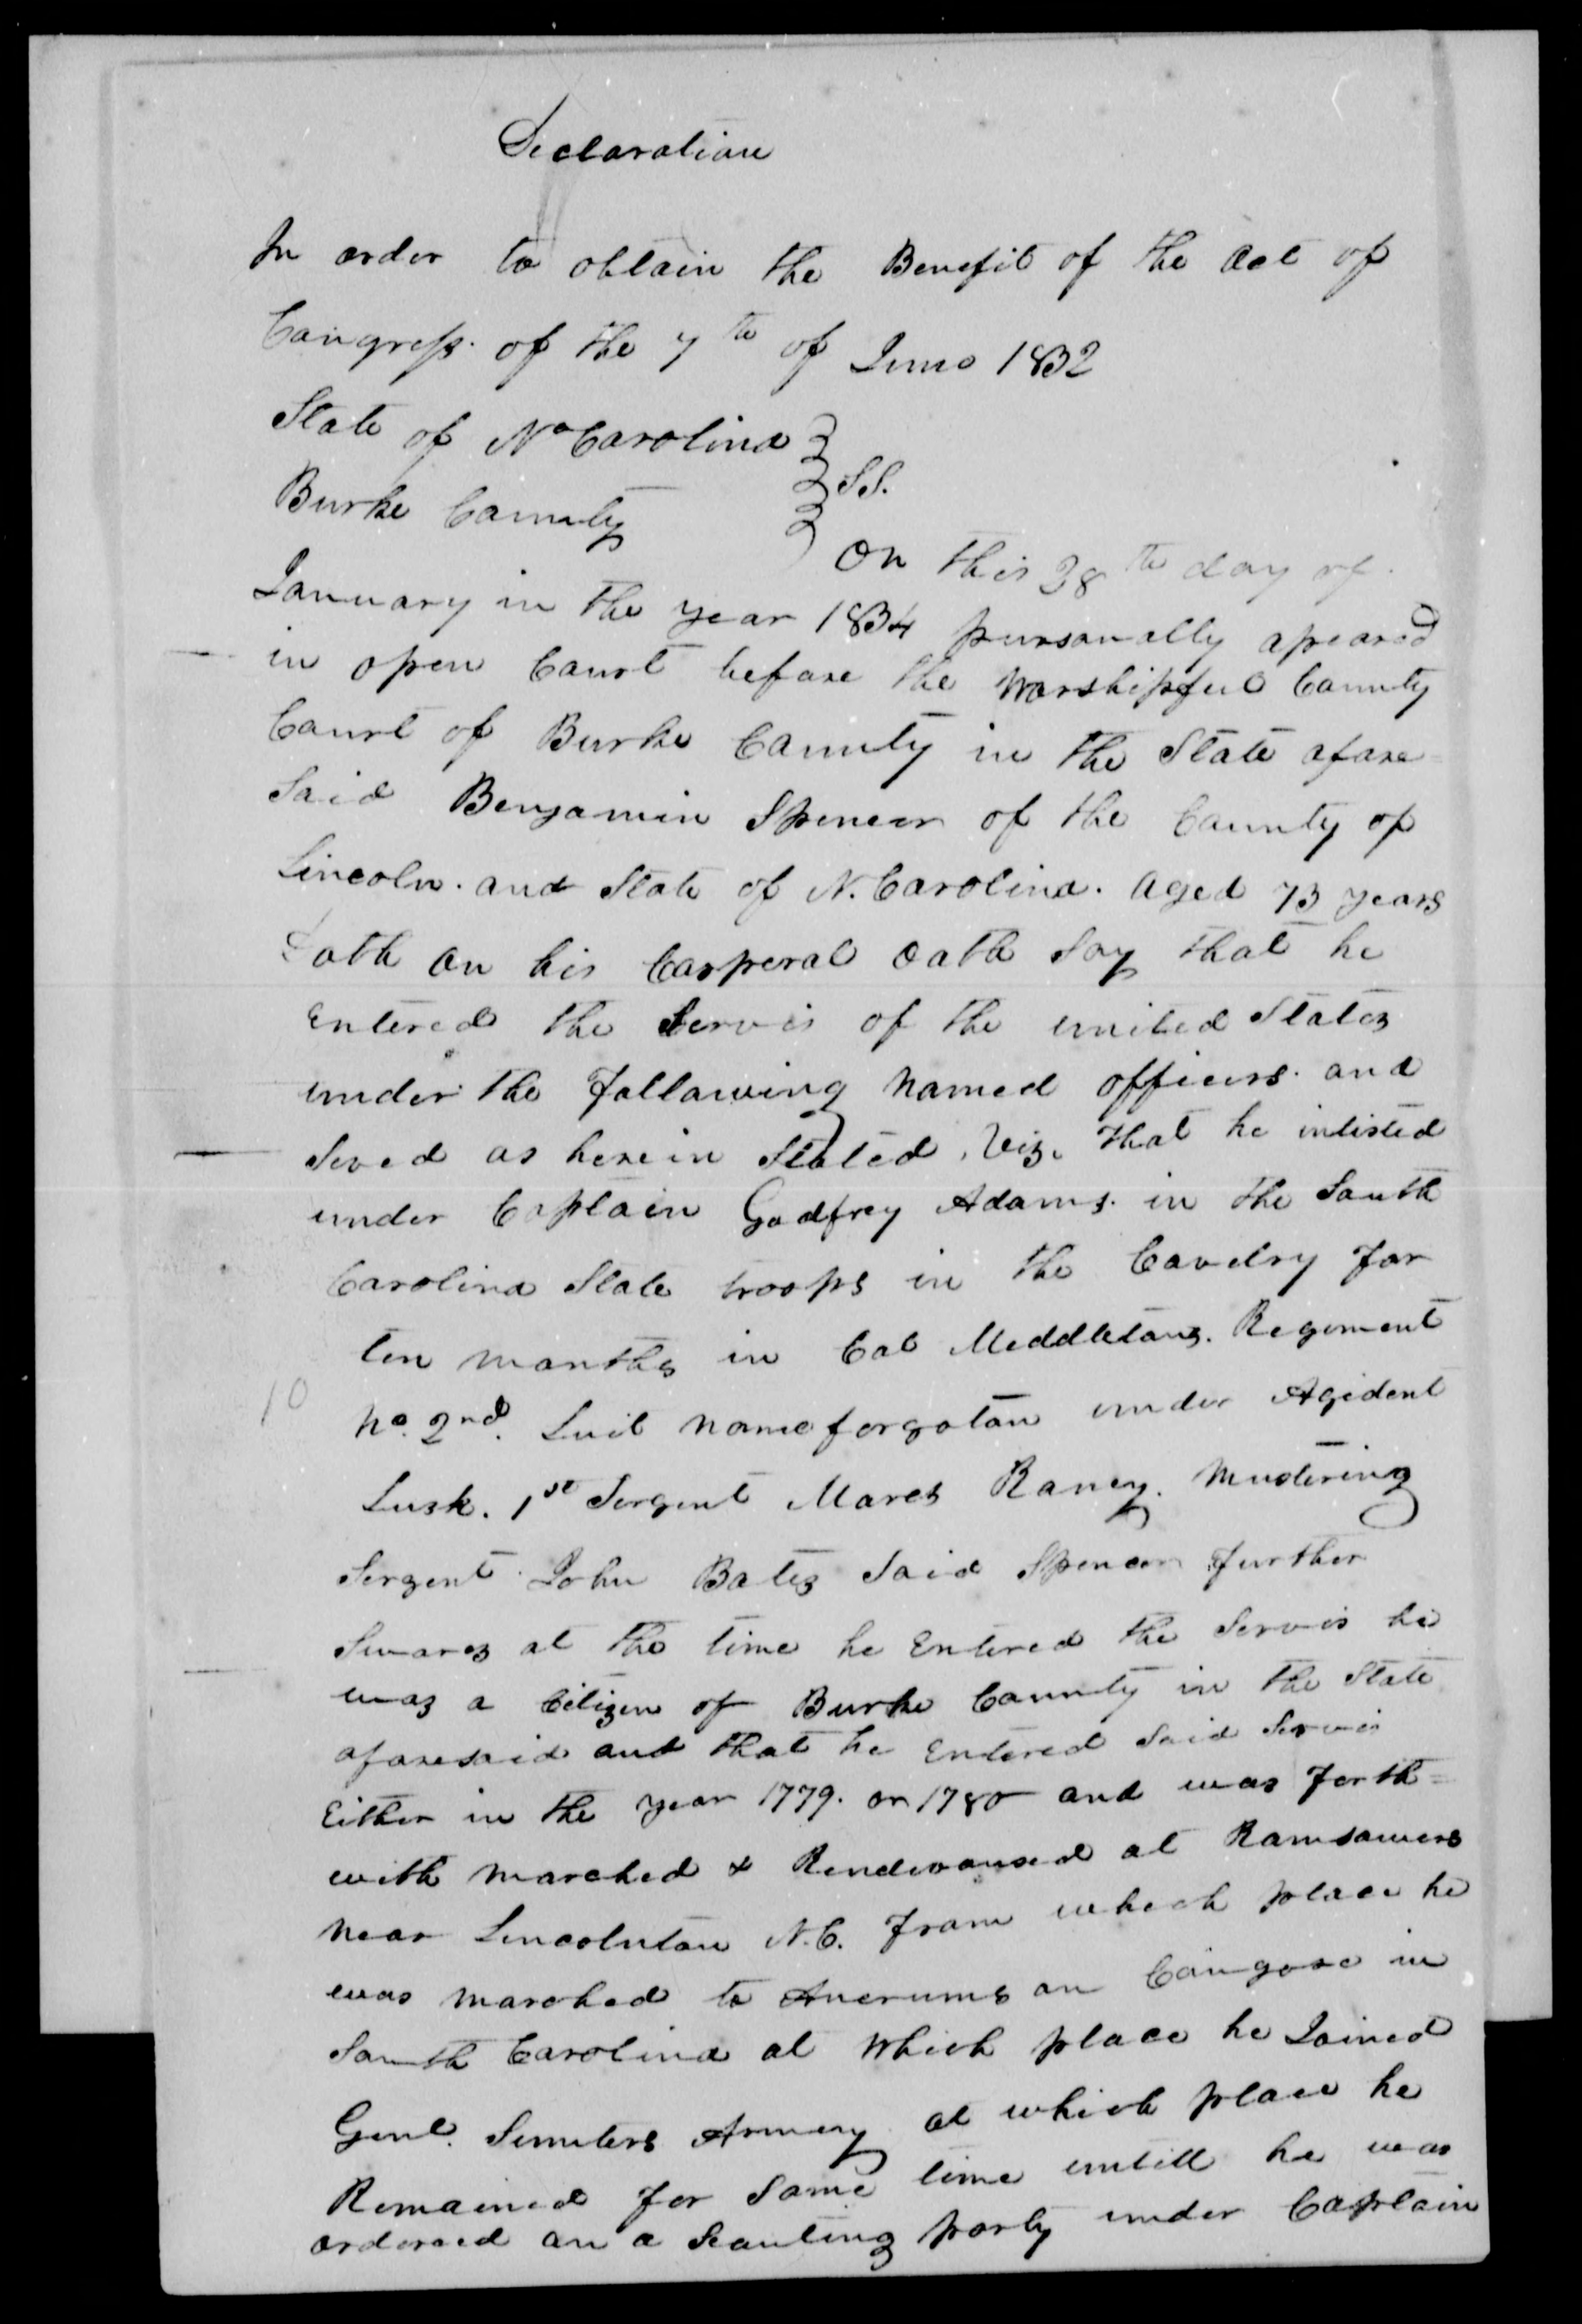Declaration

In order to obtain the benefit of the Act of
Congress of the 7th of June 1832

State of N Carolina
Burke County

On this 18th day of
January in the year 1834 personally appeared
open Court before the Worshipful County
Court of Burke County in the State aforesaid Benjamin Spencer of the County of Lincoln and State of N. Carolina, aged 73 years doth on his Corporal Oath say that he entered the service of the United States under the following named officers and served as herein stated, viz. That he enlisted under Captain Godfrey Adams in the South Carolina State troops in the Cavalry for ten months in Col Middleton's Regiment No 2nd Said name forgotten under Agident (?) Lusk 1st Sargent Mares Raney Mustering Sargent John Bates. Said Spencer further Swears at the time he entered the service he was a Citizen of Burke County in the State aforesaid and that he entered said Service Either in the year 1779 or 1780 and was forth with marched & Rendezvoused at Ramseur near Lincolnton N.C. from which place he
was marched to Ancrumban Congare (?) in
South Carolina at which place he joined
Genl Sumters Army at which place he
Remained for same time until he was
ordered an a hunting party under Captain
[next]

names: Benjamin Spencer; [BLANK] Spencer; John Bates; Godfrey Adams; Mares Raney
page: 6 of 63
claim: widow's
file: W. 6158, for Benjamin Spencer, North Carolina